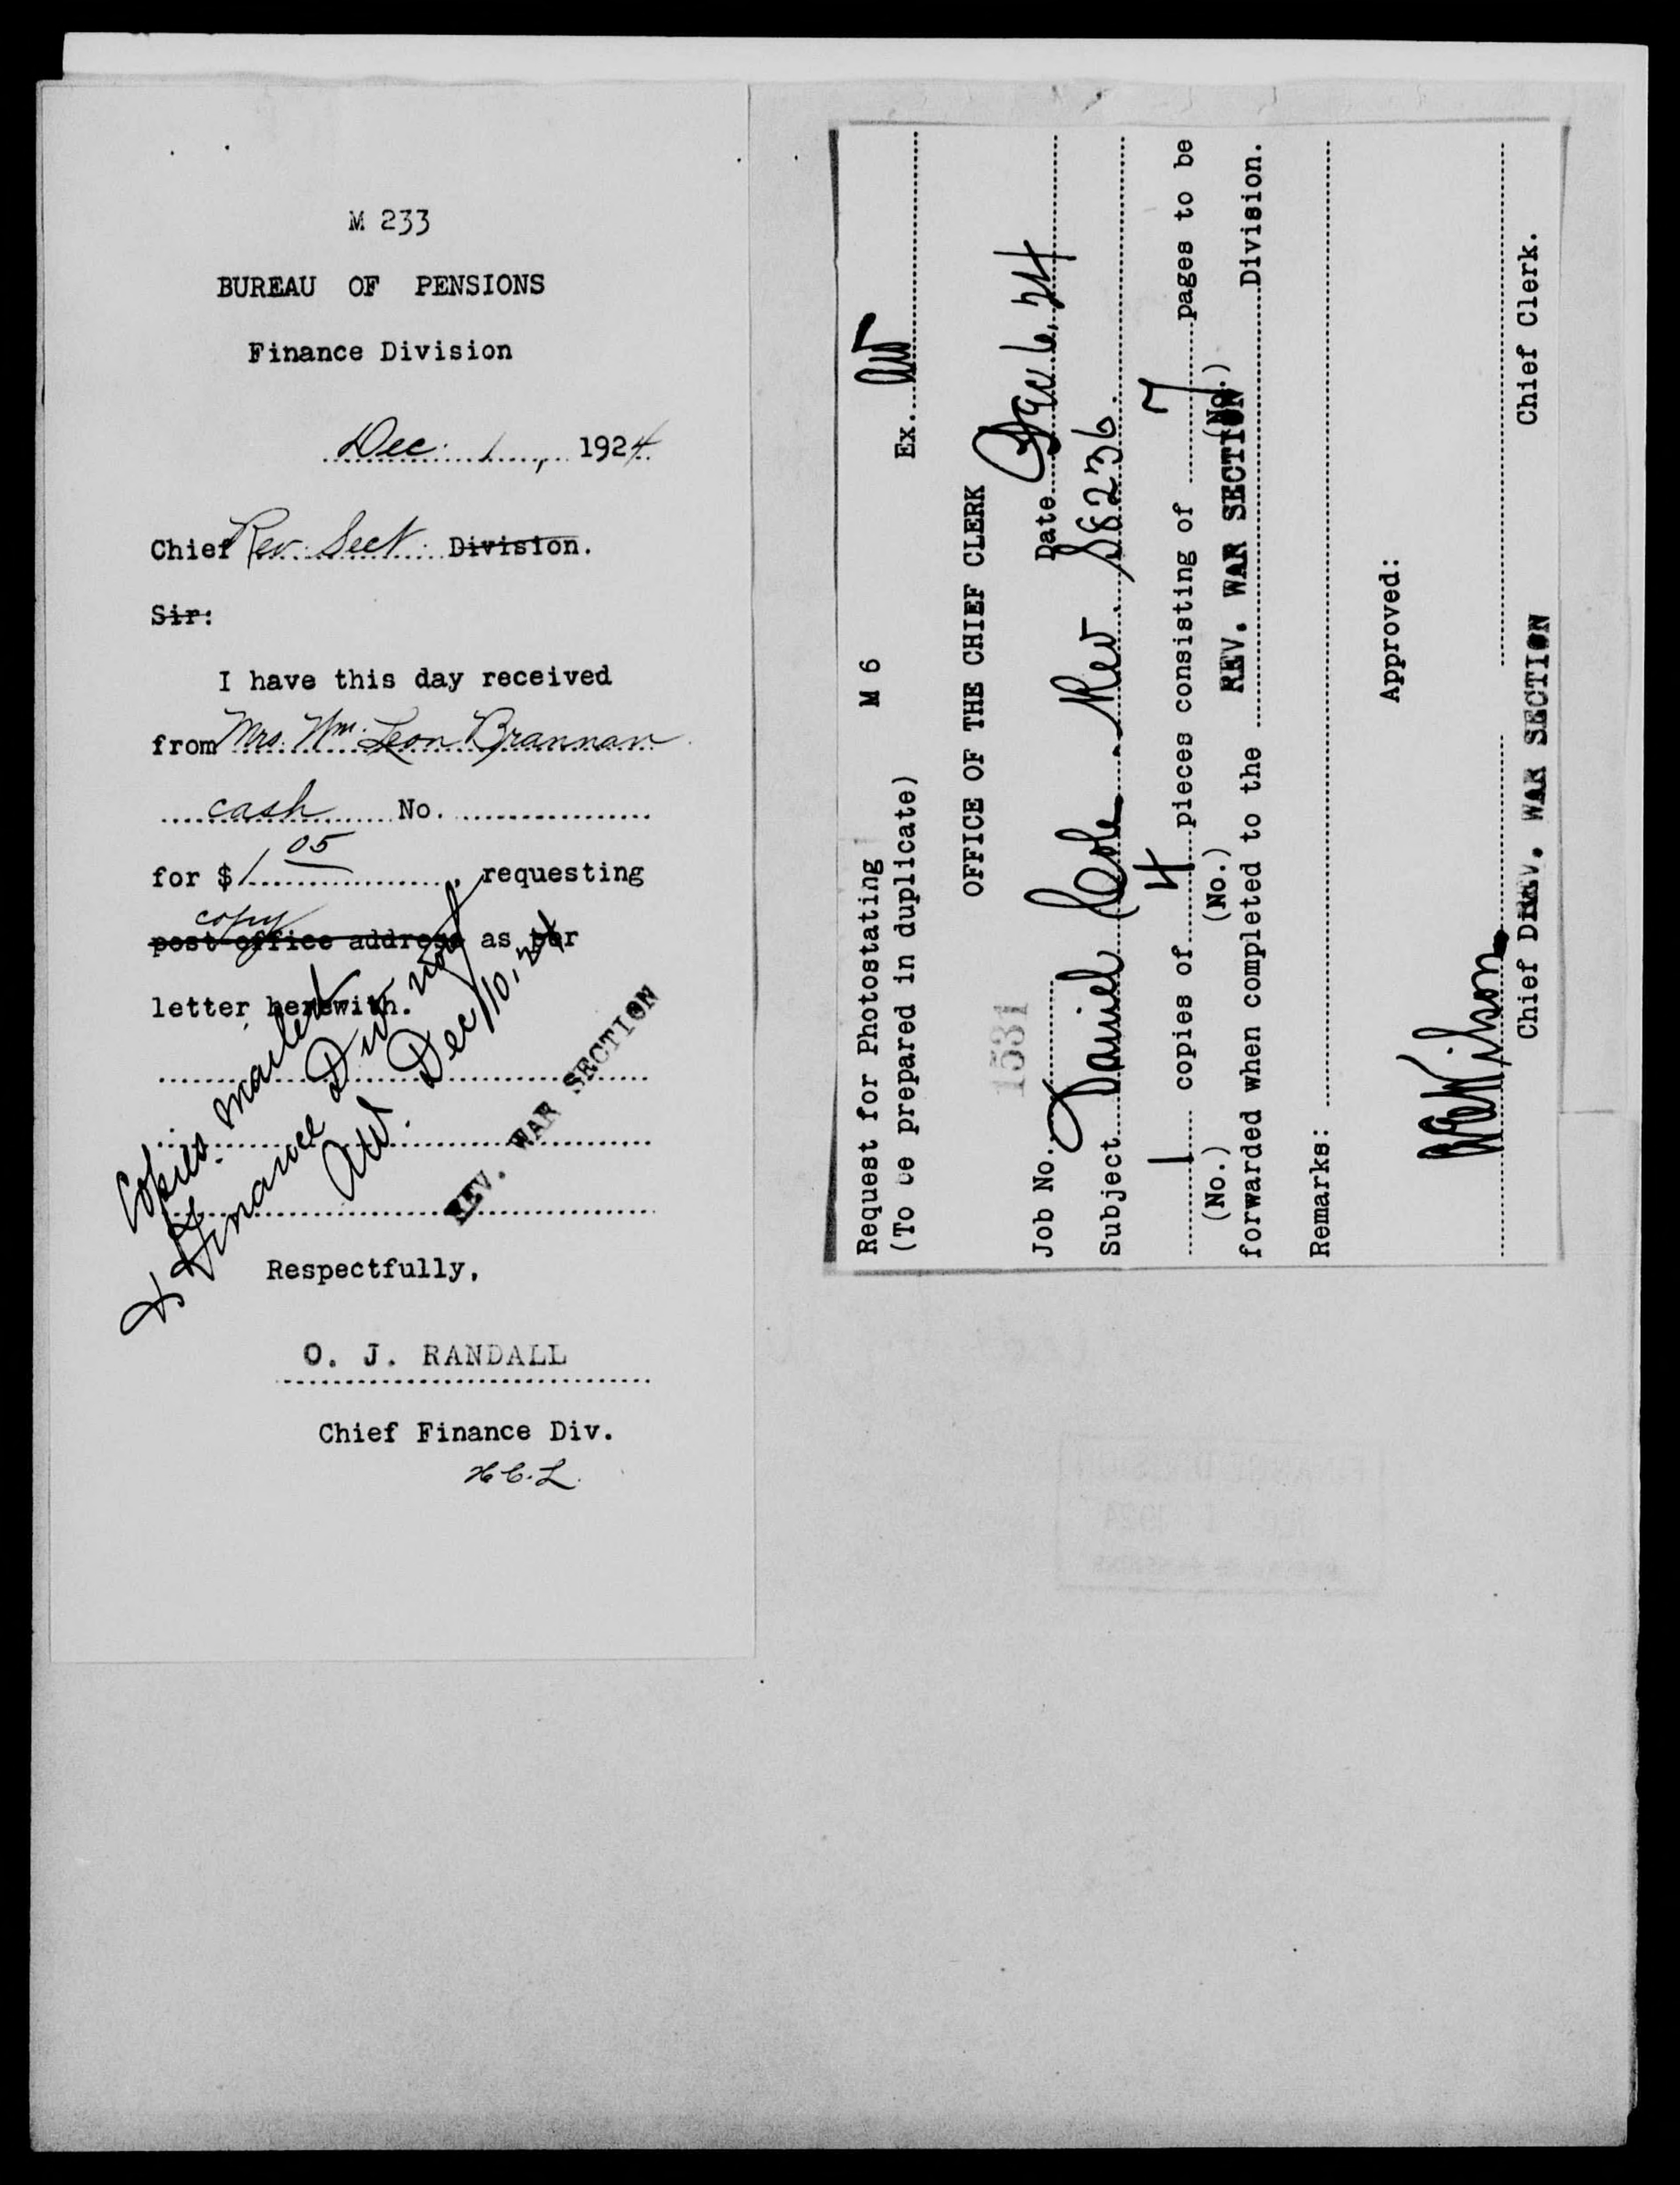[Left side of document]

M 233
BUREAU OF PENSIONS
Finance Division

Dec._1,_1924_

Chief Rev Sect_Division. [last word crossed out]

Sir: [crossed out]

I have this day received 
from _Mrs. Wm. Leon Brannan_
_cash_No. ____
for $1.05__, requesting 
copy [post office address cross out] as per
letter herewith.

[added by hand sideways Copies mailed to Finance Div AW. Dec 10. 24] [black stamp REV. WAR SECTION added just below] 

Respectfully,
O. J. RANDALL
Chief Finance Div.
KCL

[Right side of document, positioned sideways]

Request for Photostating   M6
(To be prepared in duplicate)   Ex. _AW_

OFFICE OF THE CHIEF CLERK
Date _Dec 6. 24__
Job. No. 1531_
Subject_Daniel Cole. Rev. S8236.__
_1_copies of _4_ pieces consisting of _7_ pages to be 
forwarded when completed to the _REV. WAR SECTION_ Division.
Remarks:___
Approved:
[illegible] Wilson__ 
Chief Div. REV. WA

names: Daniel Cole, O J Randall, Wm Leon Brannan, A E Wilson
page: 58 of 61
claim: survivor's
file: S. 8236, Daniel Cole, Va.